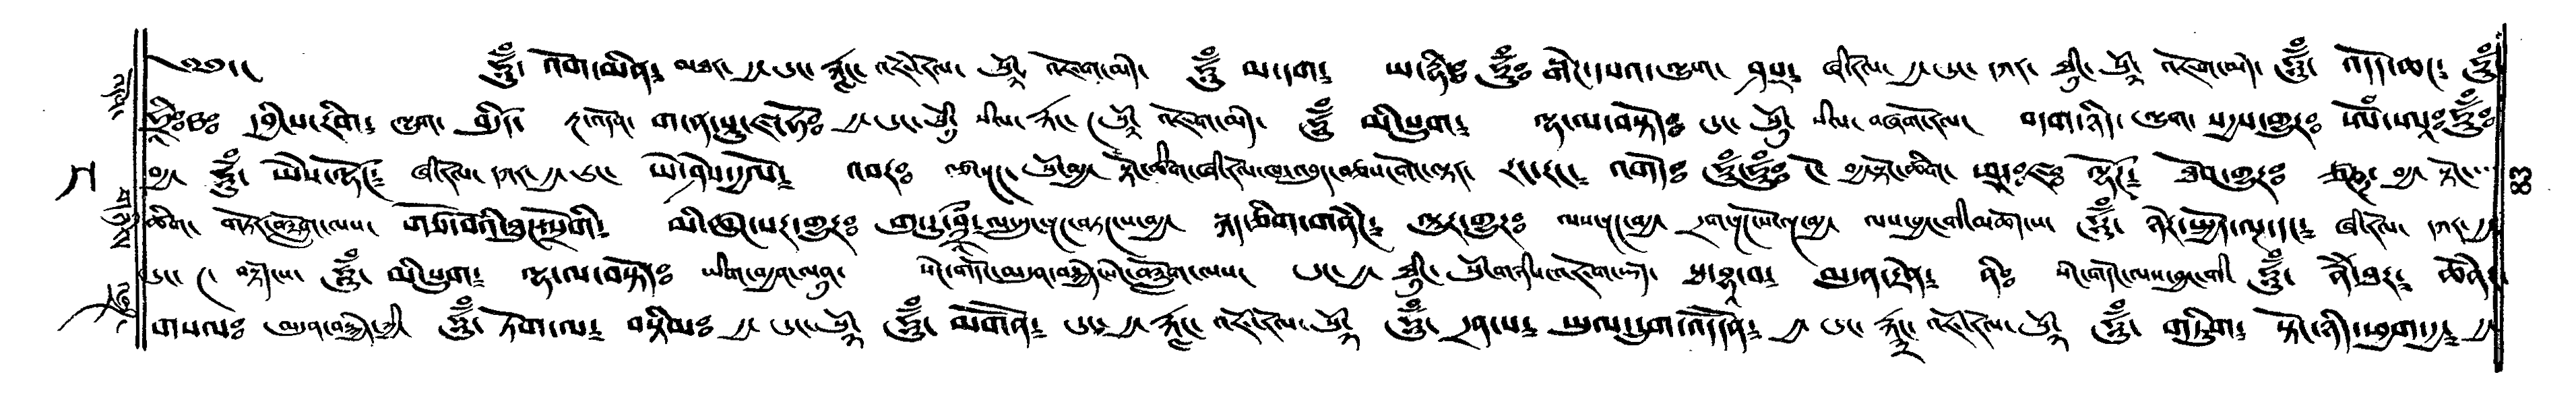ཧཱུྃཿ འོག་མིན༴ མཐར། རྒྱ། དུང་། རྐང་བཞི། འཇམ་རོལ། སུམ་གཉིས། འཇོག་མེད། ཧཱུྃཿ མ་དག༴ ཡ་དྷིཿ ཧཱུྃཿ སྒེག་དཔའ༴ ལྷུག ཤབྡ༴ ཞི་རོལ། རྒྱ། དུང་། དཀར། ཐིང་གཅིག སུམ་གཉིས། འཇོག་མེད། ཧཱུྃ༴ འདོད་ཆགས༴ ཧཱུྃ་
ཧྲཱིཿཋཿ དབྱིངས་རིག༴ ལྷུག བདུད་རྩི༴ རྔ་འདོན། ག་ན་པཱུ་ཛ་ཧོཿ རྒྱ། དུང་། སུམ་གཉིས། སིལ། རྐང་། ཌཱ། སུམ་གཉིས། འཇོག་མེད། ཧཱུྃཿ མི་སྡུག༴ ལྷ་ལ་བསྟོདཿ དུང་། སུམ་གཅིག སིལ། བཞག་རོལ། བདག་ཉིད༴ ལྷུག སངས་རྒྱས་གྱུརཿཨོཾ་ཨཱཿཧཱུྃཿ 
བརྒྱ། ཧཱུྃ༴ ཡེ་ཤེས་ལྷ་ཚོགས༴ ཞི་རོལ། དཀར། རྒྱ། དུང་། ཡེ་ཤེས་རྒྱལ་པོ༴ འབརཿ རྩ་སྔགས། སུམ་བརྒྱ། སྟོང་ཚིག་ཞི་རོལ་ཁ་འབུད་བཅས་གོང་ལྟར། རང་རང༴ འགོདཿ ཧཱུྃ་ཧཱུྃཿ བརྒྱ་རྩ། སྟོང་ཚིག ཕཊཿཛཿ ལྷ་ཚོགས༴ ཐོན་གྱུརཿ ཙཎྜ༴ བརྒྱ། སྟོང་
ཚིག གཏོར་ཟློག་ལས། གཙོ་བོའི་ཐུགས་སྲོག་གི༴ མི་ཚུགས་པར་གྱུརཿ གུ་རུ་ཤྲཱི་ལ་སྲུང་སྔགས་བཏགས་པ་བརྒྱ། སྐད་ཅིག་གནམ་ལྕགས༴ ལྟ་བུར་གྱུརཿ ལས་སྔགས་བརྒྱ། དྲག་སྔགས་ལྔ་བརྒྱ། ལས་བྱང་གི་མཆོད་པ། ཧཱུྃཿ ཉེར་སྤྱོད་ལྔ་དང༴ ཞི་རོལ། དཀར། རྒྱ། 
དུང་། ཌཱ། བསྟོད་པ། ཧཱུྃཿ མི་སྡུག༴ ལྷ་ལ་བསྟོདཿ ཡིག་བརྒྱ་ལན་གཅིག སེང་གདོང་མདུན་སྐྱེད་སེང་ཟློག་ལས། དུང་། རྒྱ། ཐིང་གཅིག སུམ་གཉིས་འཇོག་ཡོད། སྭ་བྷཱ་བ༴ མདུན་རྟེན༴ ནིཿ སེང་གདོང་ལས་བྱང་གི ཧཱུྃཿ རྣམ་ཐར༴ ཆེན་པོ་
གསལཿ མདུན་བསྐྱེད་ཀྱི། ཧཱུྃཿ ཏོག་ལ༴ བསྟིམཿ རྒྱ། དུང་། སུམ་གཉིས། ཧཱུྃཿ མགོན་པོ༴ དུང་། རྒྱ། རྐང་བཞི། འཇམ་རོལ། སུམ་གཉིས། ཧཱུྃཿ དྲན་པ༴ ཡུལ་དྲུག་འདོད་ཡོན༴ རྒྱ། དུང་། རྐང་གསུམ། འཇམ་རོལ། སུམ་གཉིས། ཧཱུྃཿ གཏི་མུག༴ སྟོང་ཉིད་ཕྱག་རྒྱ༴ རྒྱ་